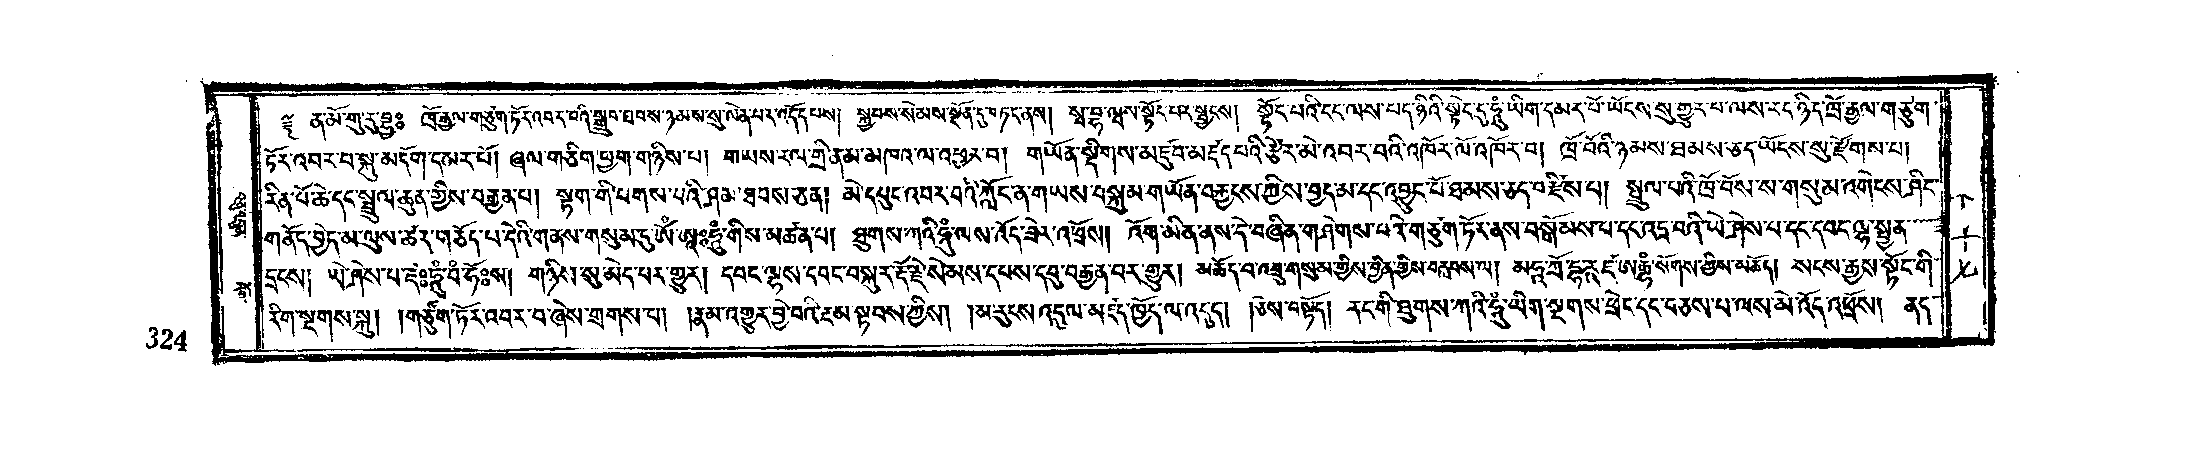ན་མོ་གུ་རུ་བྷྱཿ ཁྲོ་རྒྱལ་གཙུག་ཏོར་འབར་བའི་སྒྲུབ་ཐབས་ཉམས་སུ་ལེན་པར་འདོད་པས། སྐྱབས་སེམས་སྔོན་དུ་བཏང་ནས། སྭ་བྷ་ཝས་སྟོང་པར་སྦྱངས། སྟོང་པའི་ངང་ལས་པད་ཉིའི་སྟེང་དུ་ཧཱུཾ་ཡིག་དམར་པོ་ཡོངས་སུ་གྱུར་པ་ལས་རང་ཉིད་ཁྲོ་རྒྱལ་གཙུག་
ཏོར་འབར་བ་སྐུ་མདོག་དམར་པོ། ཞལ་གཅིག་ཕྱག་གཉིས་པ། གཡས་རལ་གྲི་ནམ་མཁའ་ལ་འཕྱར་བ། གཡོན་སྡིགས་མཛུབ་མཛད་པའི་རྩེར་མེ་འབར་བའི་འཁོར་ལོ་འཁོར་བ། ཁྲོ་བོའི་ཉམས་ཐམས་ཅད་ཡོངས་སུ་རྫོགས་པ།
རིན་པོ་ཆེ་དང་སྦྲུལ་ཆུན་གྱིས་བརྒྱན་པ། སྟག་གི་པགས་པའི་ཤམ་ཐབས་ཅན། མེ་དཔུང་འབར་བའི་ཀློང་ན་གཡས་བསྐུམ་གཡོན་བརྐྱངས་ཀྱིས་བྱད་མ་དང་འབྱུང་པོ་ཐམས་ཅད་བརྫིས་པ། སྤྲུལ་པའི་ཁྲོ་བོས་ས་གསུམ་འགེངས་ཤིང་
གནོད་བྱེད་མ་ལུས་ཚར་གཅོད་པ་དེའི་གནས་གསུམ་དུ་ཨོཾ་ཨཱཿ ཧཱུཾ་གིས་མཚན་པ། ཐུགས་ཀའི་ཧཱུཾ་ལས་འོད་ཟེར་འཕྲོས། འོག་མིན་ནས་དེ་བཞིན་གཤེགས་པའི་གཙུག་ཏོར་ནས་བསྒོམས་པ་དང་འདྲ་བའི་ཡེ་ཤེས་པ་དང་དབང་ལྷ་སྤྱན་
དྲངས། ཡེ་ཤེས་པ་ཛཿ ཧཱུཾ་བཾ་ཧོཿ ས། གཉིས་སུ་མེད་པར་གྱུར། དབང་ལྷས་དབང་བསྐུར་རྡོ་རྗེ་སེམས་དཔས་དབུ་བརྒྱན་པར་གྱུར། མཆོད་པ་འབྲུ་གསུམ་གྱིས་བྱིན་གྱིས་བརླབས་ལ། མཧཱ་ཀྲོ་དྷ་རཱ་ཛ་ཨརྒྷཾ་སོགས་ཀྱིས་མཆོད། སངས་རྒྱས་སྟོང་གི་
རིག་སྔགས་སྐུ། །གཙུག་ཏོར་འབར་བ་ཞེས་གྲགས་པ། །རྣམ་འགྱུར་བྱེ་བའི་རྔམ་སྟབས་ཀྱིས། །མ་རུངས་འདུལ་མཛད་ཁྱོད་ལ་འདུད། །ཅེས་བསྟོད། རང་གི་ཐུགས་ཀའི་ཧཱུཾ་ཡིག་སྔགས་ཕྲེང་དང་བཅས་པ་ལས་མེ་འོད་འཕྲོས། ནད་